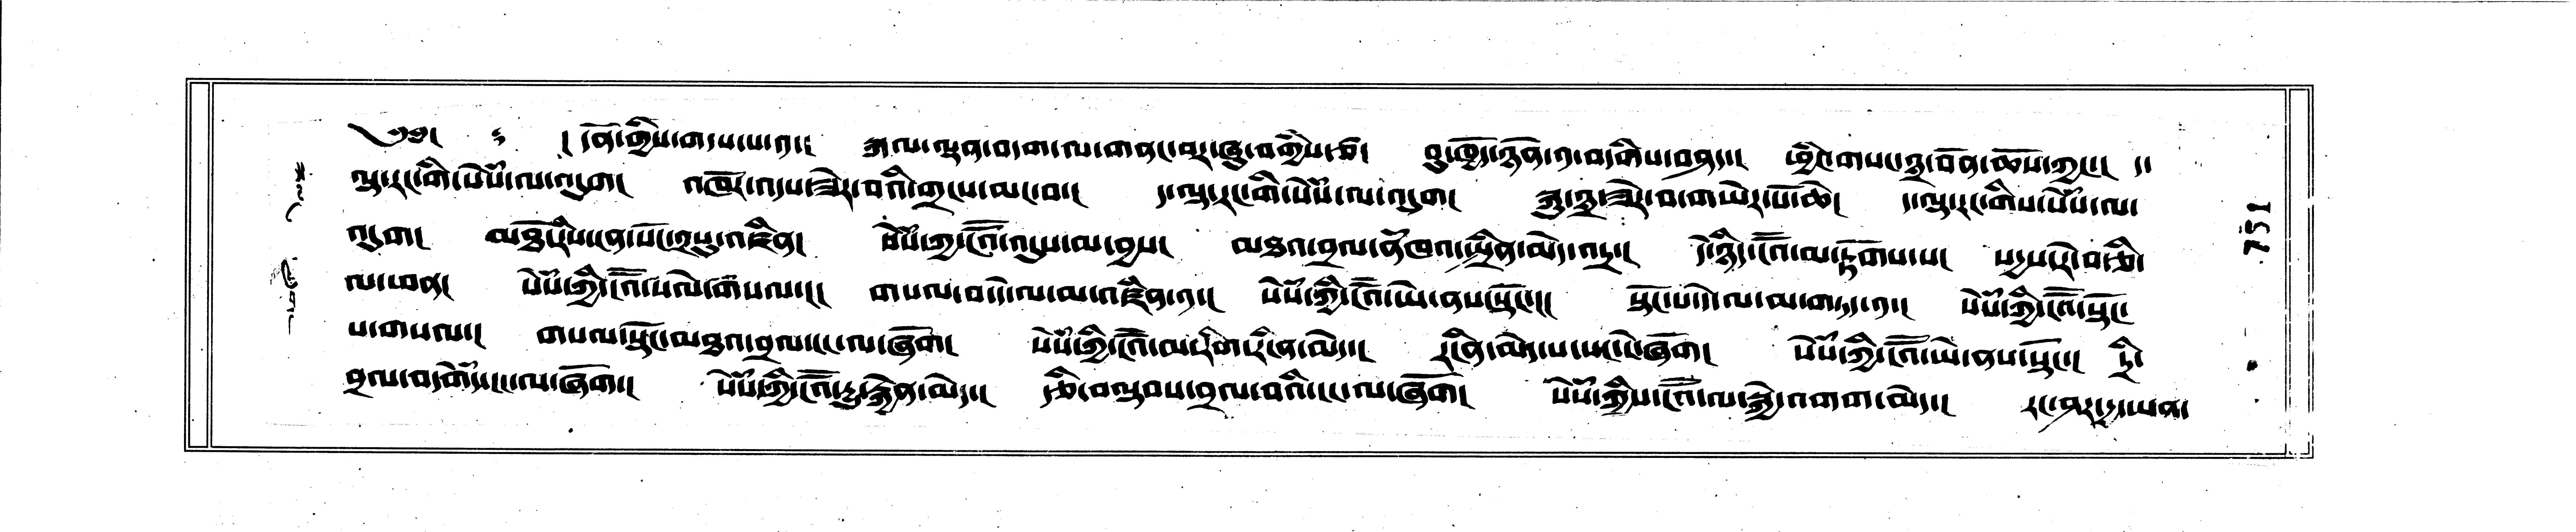།ཡང་གསང་དོན་གྱི་གདས་‘གདམས་’པ་ཞིག །སྐལ་ལྡན་བདག་ལ་གནང་བར་ཞུ་བགྱིས་ཙ། །བུ་ཁྱོད་ཉོན་ཅིག་བདག་གིས་བཤད། །ཕྱི་ནང་གསང་གསུམ་བོན་ཆོས་ཀྱང་། །ད་
ལྟ་རང་གི་སེམས་ལ་འདུག །འཁོར་འདས་ཟེར་བའི་གྲངས་མང་བ། །ད་ལྟ་རང་གི་སེམས་ལ་འདུག །སྐུ་གསུམ་ཟེར་བ་གཡེར་པོ་ཆེ། །ད་ལྟ་རང་གི་སེམས་ལ་
འདུག །མཐོ་རིས་ངན་སོང་གཉིས་སུ་འཛིན། །སེམས་ཀྱི་ངོའོ་འདུས་མ་བྱས། །མཐའ་བྲལ་ནམ་མཁའ་སྤྲིན་མེད་འདྲ། །དེ་ཉིད་ངོའོ་མ་རྟོགས་པ། །སངས་རྒྱས་རེ་བ་ཅི་
ལ་ཕན། སེམས་ཀྱི་ངོའོ་སལེ་གསལ། །གསལ་བ་དེ་ལ་མ་འཛིན་ཞིག །སེམས་ཀྱི་ངོའོ་ཡེ་ནས་སྟོང་། །སྟོང་པ་དེ་ལ་མ་གཏད་ཅིག །སེམས་ཀྱི་ངོའོ་སྟོང་
པ་གསལ། །གསལ་སྟོང་མཐའ་བྲལ་ངང་ལ་ཞོག །སེམས་ཀྱི་ངོའོ་མ་རིག་རང་བཞིན་མེད། །རང་བཞིན་མེད་པར་སང་ངེ་ཞོག །སེམས་ཀྱི་ངོའོ་ཡེ་ནས་སྟོང་། །དྲི་
བྲལ་བདག་མེད་ངང་ལ་ཞོག །སེམས་ཀྱི་ངོའོ་རྒྱུ་རྐྱེན་མེད། །རྩིས་བལྟབས་༼བརྡབ༽བྲལ་བའི་ངང་ལ་ཞོག །སེམས་ཀྱི་ངོའོ་སྐྱེ་འགག་མེད། །རང་ཤར་རྒྱ་ཡན་